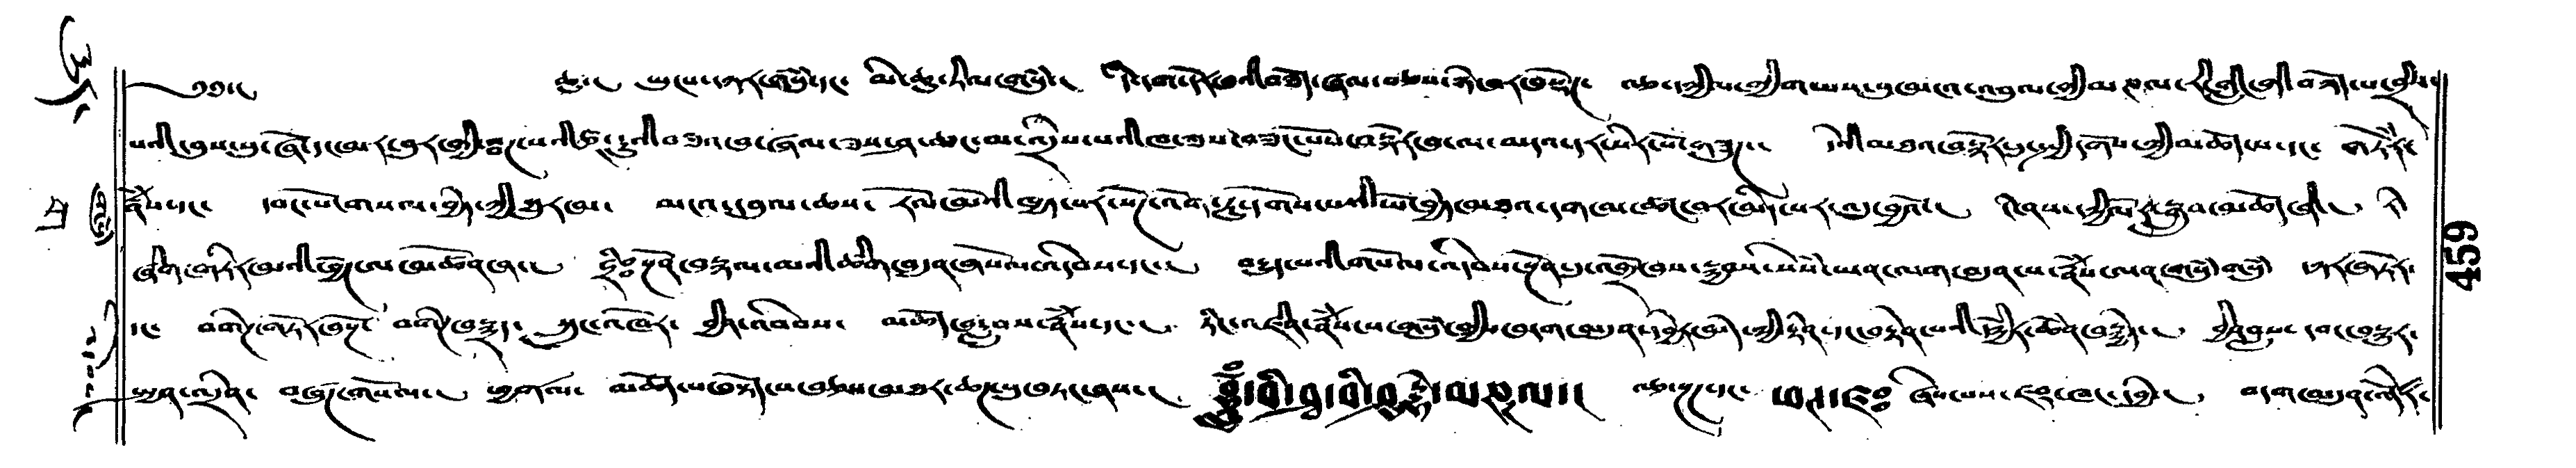ཆུ། ཡུངས་དཀར་གསུམ་དང་། མེ་ཆུ་ཏིལ་གསུམ། དེ་དག་དོར་བའི་བཟེད་ཞལ་བཅས་ཉེ་བར་བསྡོགས། རྩ་དཀྱིལ་གྱི་གཡས་སུ་མངའ་འབུལ་གྱི་མཎྜལ་རི་གླིང་གི་བཀོད་པ་བྲིས་
པའི་དབུས་སུ་ཞོ་དང་མར་བུར་གྱི་སྦགས་པའི་ཙ་རུའི་བཟའ་བ་ཞལ་ཟས་ཤ་ཆང་མ་འདྲེས་པའི་ཁ་ཟས་བཟང་པོས་བསྐོར་བ་ལ་མདའ་དར་སེར་པོ་གཟུགས། དེའི་མཐའ་བསྐོར་དུ་སྤྱི་དགོས་ཀྱི་མཆོད་པ་དང་། གཏོར་མ་
རྣམས་དང་། དབང་པོ་གསལ་བྱེད་ཀྱི་ཐུར་མ། མངའ་དབུལ་ཆས། རོལ་མོའི་ཁྱད་པར་སོགས་འོག་ཏུ་དགོས་པའི་ཡོ་བྱད་མཐའ་དག་མ་ཚང་བ་མེད་པར་འདུ་བྱའོ།དེ་ནས་དཀྱིལ་འཁོར་སྒྲུབ་མཆོད་ནི། རེ་
ཞིག་གཏེར་མའི་ཕྱོགས་ལ་མཚོན་ན། ཧྲིཿསྔོན་བསྐལ་མའི་ཚིག་བདུན་གསོལ་འདེབས་དང་། བརྒྱུད་པའི་གསོལ་འདེབས་སྔོན་དུ་འགྲོ་བས་སྐྱབས་སེམས་ཡན་ལག་བདུན་པ་རྣམས་ལན་གསུམ་གསུམ། དཀར་གཏོར་
དང་། བགེགས་གཏོར་བསྔོ། བགེགས་བསྐྲད། སྲུང་འཁོར། བྱིན་འབེབས། མཆོད་རླབས་རྣམས་དང་། ཏིང་འཛིན་རྣམ་པ་གསུམ་གྱིས་བདག་མདུན་དབྱེར་མེད་ཀྱི་རྟེན་དང་བརྟེན་པའི་དཀྱིལ་འཁོར་ཆེན་པོ་བསྐྱེད། བྱིན་རླབས་དབང་སྐུར་
སྤྱན་འདྲེན། བཞུགས་གསོལ། ཕྱག་འཚལ། མཆོད་པ་བསྟོད་པ་བཅས་མཐར་ཆགས་སུ་བཏང་ནས། བྷྲཱུྃ་བི་ཤྭ་བི་ཤུདྡྷེ་མཎྜལ་རྩ་སྔགས་དང་ཕཊཿཛཿ ཞེས་པས་ཛབཱ་ཁང་དབྱེ། བདག་མདུན་འོད་ཟེར་